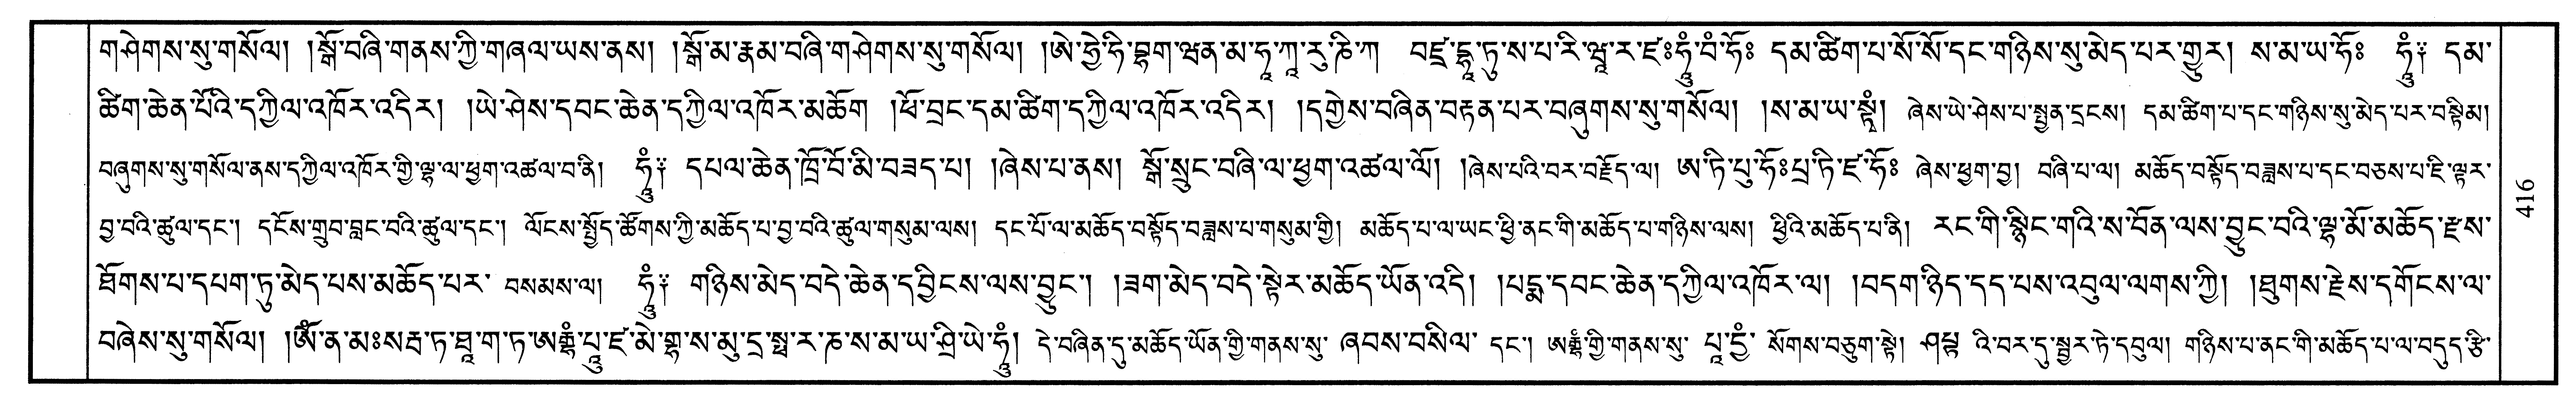གཤེགས་སུ་གསོལ། །སྒོ་བཞི་གནས་ཀྱི་གཞལ་ཡས་ནས། །སྒོ་མ་རྣམ་བཞི་གཤེགས་སུ་གསོལ། །ཨེ་ཧྱེ་ཧི་བྷག་ཝན་མ་ཧཱ་ཀཱ་རུ་ཎི་ཀ་བཛྲ་དྷཱ་ཏུ་ས་པ་རི་ཝཱ་ར་ཛཿ ཧཱུཾ་བཾ་ཧོཿ དམ་ཚིག་པ་སོ་སོ་དང་གཉིས་སུ་མེད་པར་གྱུར། ས་མ་ཡ་ཧོཿ ཧཱུཾ༑ དམ་
ཚིག་ཆེན་པོའི་དཀྱིལ་འཁོར་འདིར། །ཡེ་ཤེས་དབང་ཆེན་དཀྱིལ་འཁོར་མཆོག །ཕོ་བྲང་དམ་ཚིག་དཀྱིལ་འཁོར་འདིར། །དགྱེས་བཞིན་བརྟན་པར་བཞུགས་སུ་གསོལ། །ས་མ་ཡ་སྟྭཾ། ཞེས་ཡེ་ཤེས་པ་སྤྱན་དྲངས། དམ་ཚིག་པ་དང་གཉིས་སུ་མེད་པར་བསྟིམ།
བཞུགས་སུ་གསོལ་ནས་དཀྱིལ་འཁོར་གྱི་ལྷ་ལ་ཕྱག་འཚལ་བ་ནི། ཧཱུཾ༑ དཔལ་ཆེན་ཁྲོ་བོ་མི་བཟད་པ། །ཞེས་པ་ནས། སྒོ་སྲུང་བཞི་ལ་ཕྱག་འཚལ་ལོ། །ཞེས་པའི་བར་བརྗོད་ལ། ཨ་ཏི་པུ་ཧོཿ པྲ་ཏི་ཛ་ཧོཿ ཞེས་ཕྱག་བྱ། བཞི་པ་ལ། མཆོད་བསྟོད་བཟླས་པ་དང་བཅས་པ་ཇི་ལྟར་
བྱ་བའི་ཚུལ་དང་། དངོས་གྲུབ་བླང་བའི་ཚུལ་དང་། ལོངས་སྤྱོད་ཚོགས་ཀྱི་མཆོད་པ་བྱ་བའི་ཚུལ་གསུམ་ལས། དང་པོ་ལ་མཆོད་བསྟོད་བཟླས་པ་གསུམ་གྱི། མཆོད་པ་ལ་ཡང་ཕྱི་ནང་གི་མཆོད་པ་གཉིས་ལས། ཕྱིའི་མཆོད་པ་ནི། རང་གི་སྙིང་གའི་ས་བོན་ལས་བྱུང་བའི་ལྷ་མོ་མཆོད་རྫས་
ཐོགས་པ་དཔག་ཏུ་མེད་པས་མཆོད་པར་བསམས་ལ། ཧཱུཾ༑ གཉིས་མེད་བདེ་ཆེན་དབྱིངས་ལས་བྱུང་། །ཟག་མེད་བདེ་སྟེར་མཆོད་ཡོན་འདི། །པདམ་དབང་ཆེན་དཀྱིལ་འཁོར་ལ། །བདག་ཉིད་དད་པས་འབུལ་ལགས་ཀྱི། །ཐུགས་རྗེས་དགོངས་ལ་
བཞེས་སུ་གསོལ། །ཨོཾ་ན་མཿ སརྦ་ཏ་ཐཱ་ག་ཏ་ཨརྒྷཾ་པཱུ་ཛ་མེ་གྷ་ས་མུ་དྲ་སྥ་ར་ཎ་ས་མ་ཡ་ཤྲི་ཡེ་ཧཱུཾ། དེ་བཞིན་དུ་མཆོད་ཡོན་གྱི་གནས་སུ་ཞབས་བསིལ་དང་། ཨརྒྷཾ་གྱི་གནས་སུ་པཱ་དྱཾ་སོགས་བཅུག་སྟེ། ཤཔྟ་འི་བར་དུ་སྦྱར་ཏེ་དབུལ། གཉིས་པ་ནང་གི་མཆོད་པ་ལ་བདུད་རྩི་